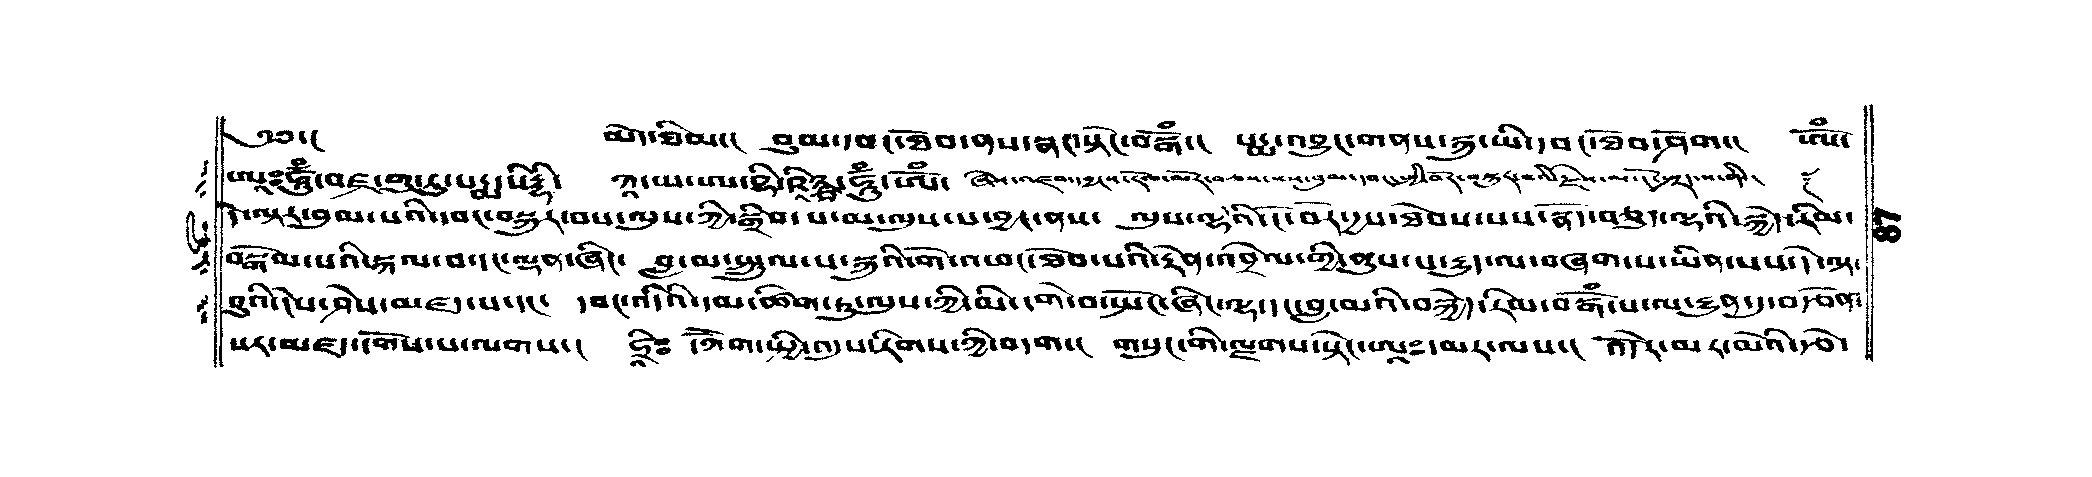མེད་ཐིམ། །བུམ་དབང་ཐོབ་ནས་སྣང་སྟོང་བསྒོམ། །པདྨ་འབྱུང་གནས་སྐུ་ཡི་དབང་ཐོབ་ཤོག་ཨོྃ་
ཨཱཿཧཱུྃ་བཛྲ་གུ་རུ་པདྨ་སིདྡྷི། ཀཱ་ཡ་ཨ་བྷི་རཱིཧཱུྃ་ཨོཾཾ། ཞེས་འཛབ་དབྱངས་རོལ་མོར་བཅས་པས་བུམ་དབང་སྤྱི་བོར་བསྐུར་བའི་རྗེས་ལ་ངོ་སྤྲད་པ་ནི། ༈ 
དེ་ལྟར་བུམ་པའི་དབང་བསྐུར་བའི་ལུས་ཀྱི་སྒྲིབ་པ་མ་ལུས་པ་བྱང་ནས། ལུས་ལྷའི་ངོ་བར་རྒྱས་ཐེབས་པས་སྣོད་བཅུད་ལྷའི་བསྐྱེད་རིམ་
བསྒོམ་པའི་སྐལ་བ་དང་ལྡན་ཞིང་། བླ་མ་སྤྲུལ་བ་སྐུའི་གོ་འཕང་ཐོབ་པའི་རྟེན་འབྲེལ་གྱི་ནུས་པ་རྒྱུད་ལ་བཞག་པ་ཡིན་པས་དེ་ལྟ་
བུའི་ངེས་་ཤེས་མཛད་པ་དང་། དབང་འདིའི་དམ་ཚིག་ཏུ་ལུས་ཀྱི་མི་ལདགེ་བ་སྤོང་ཞིང་ལྷ་དང་བླ་མའི་བསྐྱེད་རིམ་བསྒོམ་པ་ལ་རྒྱུན་དུ་བརྩོན་
པར་མཛད་དགོས་པ་ལགས། ཧྲཱིཿ དཀོན་མཆོད་སྤྱི་འདུས་རིགས་ཀྱི་བདག་གསུང་གི་ལྗགས་སྟེང་ཨཱཿདམར་ལས། །འོད་ཟེར་དམར་མོའི་རྩེ་